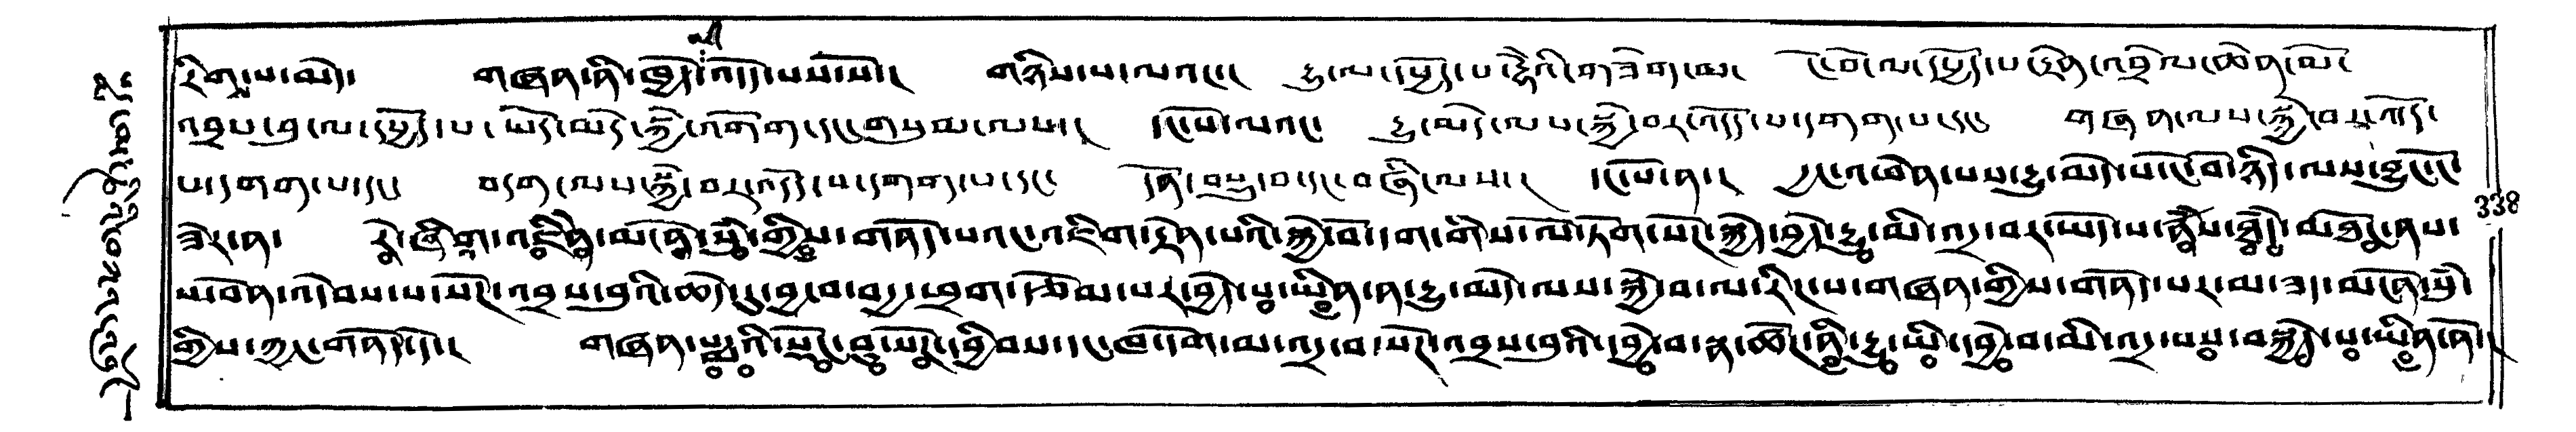རིགས་པ་མེད།གཞན་ནི་ཁྱོད་ཀྱིས་མི་འདོད་པས་སོ།། གཉིས་པ་ལའང་། རྒྱུ་ལ་དཔྱོད་པ་རྡོ་རྗེའི་གཟེགས་མ། ངོ་བོ་ལ་དཔྱོད་པ་རྟེན་འབྲེལ་ཆེན་མོ། 
འབྲས་བུ་ལ་དཔྱོད་པ་ཡོད་མེད་སྐྱེ་འགོག་དང་གསུམ་ལས། དང་པོ་ལའང་། རྒྱུ་མེད་ལས་སྐྱེ་བར་འདོད་པ་དགག་པ། གཞན་ལས་སྐྱེ་བར་འདོད་
པ་དགག་པ། བདག་ལས་སྐྱེ་བར་འདོད་པ་དགག་པ་དང་། དོན་བསྡུ་བ་བཅས་བཞི་ལས། དང་པོ་ནི། རྒྱང་འཕེན་པས་རྒྱུ་མེད་པ་ངོ་བོ་ཉིད་ལས་བྱུང་ངོ་
ཟེར་ན། རེ་ཞིག་འཇིག་རྟེན་མངོན་སུམ་གྱིས་གནོད་པའང་འཇིག་རྟེན་པའི་སྐྱེ་བོ་དག་གིས་ལོ་ཏོག་སོགས་སྐྱེད་བྱེད་རྒྱུ་མི་འདྲ་བར་ཡོད་པ་རྣམས་ཐམས་ཅད་མཐོང་ནས་
ས་བོན་འདེབས་པ་སོགས་འབྲས་བུའི་ཆེད་དུ་བྱ་བ་བརྒྱ་ཕྲག་རྩོམ་པར་བྱེད་པ་ཡིན་ན་རྒྱུ་མེད་ལས་སྐྱེ་བ་ལ་རིགས་པ་གཞན་གྱིས་གནོད་པར་མ་ཟད་མངོན་སུམ་
གྱིས་ཀྱང་གནོད་དོ།། གཞན་པདྨའི་སྡོང་བུ་སོགས་དབྱིབས་དང་ཁ་དོག་མི་འདྲ་བ་སོགས་འབྲས་བུའི་དབྱེ་བ་སྣ་ཚོགས་ནི་རྒྱུ་ཡི་དབྱེ་བ་མི་འདྲ་བས་བསྐྱེད་པ་ཡིན་ནོ།།